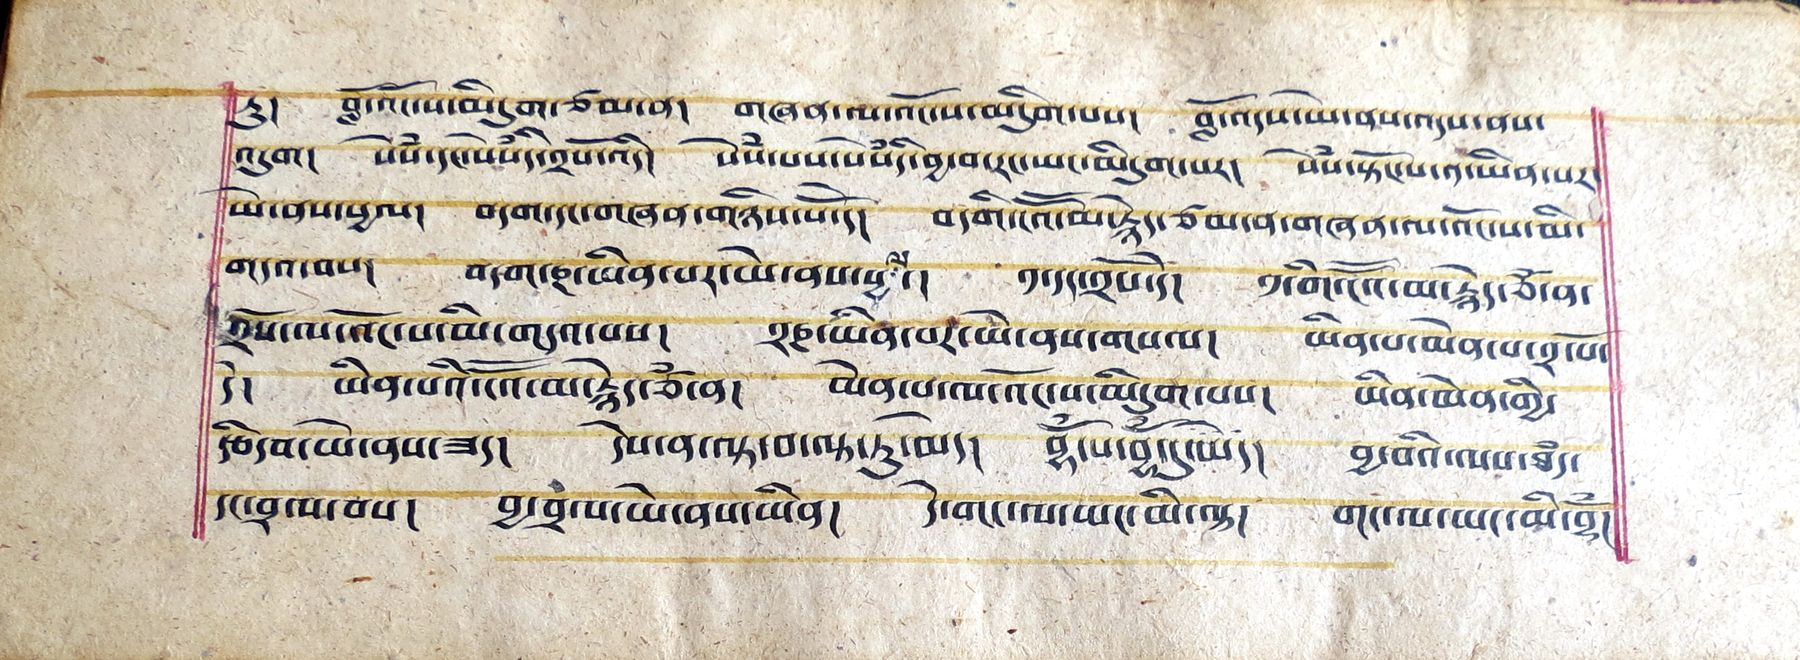རུ། བློ་འོང་ས་མི་འདུག་ཙམ་ན། བློ་ལས་ཡེ་ནས་འདས་ནས་
འདུག སེམས་དང་སེམས་ཉིད་གཉིས་པོ་འདི། སེམས་ལས་སེམས་ཉིད་བྱ་བར་ཡང་མི་འདུག་པས། སེམས་སྟོང་པ་ཡིན་པར་
ཡེ་ནས་གསལ། བདག་དང་གཞན་གཉིས་པོ་དེ། བདག་གི་ངོ་བོ་མ་རྙེད་ཙམ་ན། གཞན་ལ་འོང་ས་མི་
འདུག་པས། བདག་མེད་ཡིན་པར་ཡེ་ནས་གསལ། གཅིག་དང་གཉིས་པོ་དེ། གཅིག་གི་ངོ་བོ་མ་རྙེད་ཙམ་ན། 
གཉིས་ལ་འོང་ས་མི་འདུག་པས། གཉིས་མེད་ཡིན་པར་ཡེ་ནས་གསལ། ཡིན་དང་མིན་པ་གཉིས་པོ་
དེ། ཡིན་པའི་ངོ་བོ་མ་རྙེད་ཙམ་ན། མིན་པ་ལ་འོང་ས་མི་འདུག་པས། ཡིན་མིན་གྱི་
རྩིས་གདབ་ཡེ་ནས་ཟད། དེས་ན་ལྟ་བ་ལྟ་རུ་མེད། སྒོམ་པ་སྒོམ་དུ་མེད། བྱ་བའི་ལས་ཐམས་ཅད་
དང་བྲལ་ནས་བྱ་བྲལ་ཡེ་ནས་ཡིན། དེ་གང་ལ་ཡང་མི་ལྟ། གང་ལ་ཡང་མི་སྒོམ།